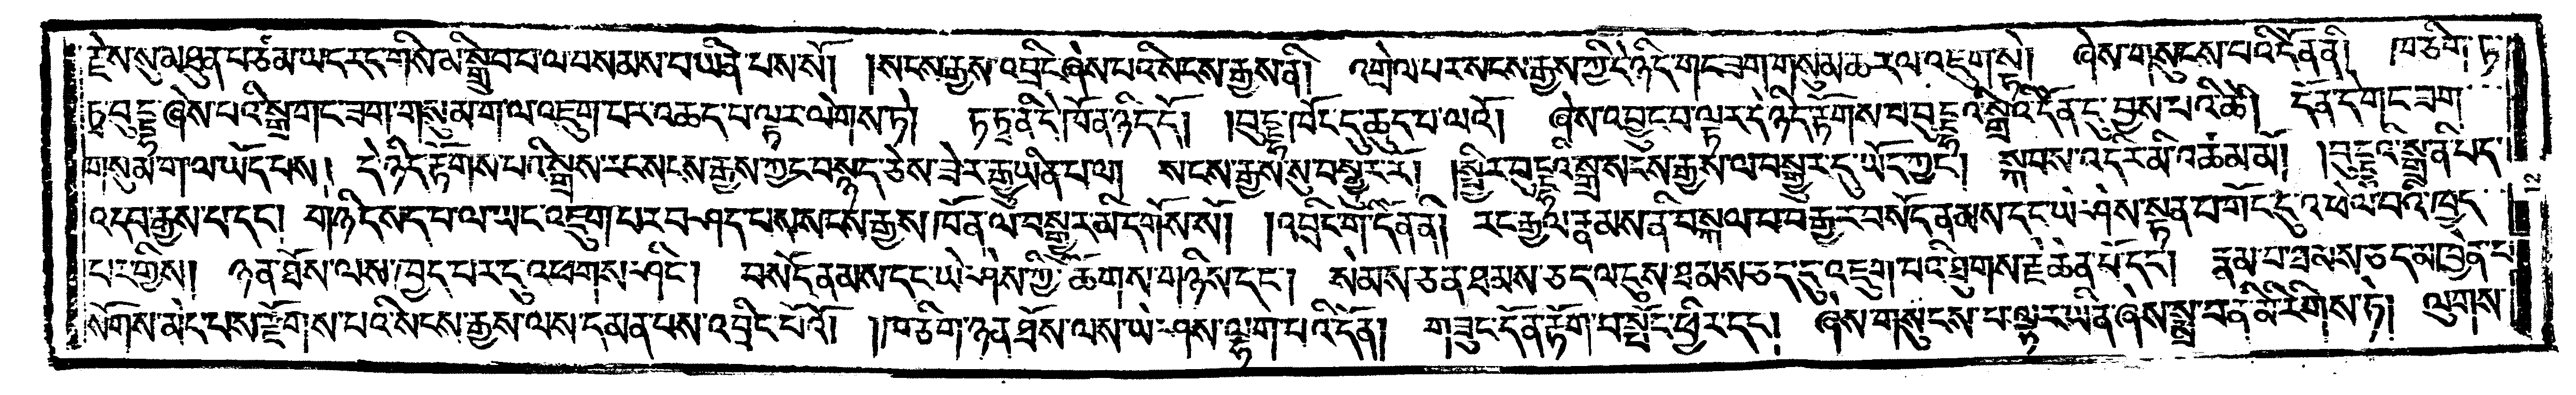རྗེས་སུ་མཐུན་པ་ཙམ་ཡང་རང་གིས་མི་སྒྲུབ་པར་བསམས་པ་ཡིན་པས་སོ། །སངས་རྒྱས་འབྲིང་ཞེས་པའི་སངས་རྒྱས་ནི། འགྲེལ་པར་སངས་རྒྱས་ཀྱི་དེ་ཉིད་གང་ཟག་གསུམ་ཆར་ལ་འཇུག་སྟེ། ཞེས་གསུངས་པའི་དོན་ནི། ཁ་ཅིག་ཏ་
ཏྭ་བུད་དྡྷཱ་ཞེས་པའི་སྒྲ་གང་ཟག་གསུམ་ག་ལ་འཇུག་པར་འཆད་པ་ལྟར་ལེགས་ཏེ། ཏ་ཏྭ་ནི་དེ་ཁོ་ན་ཉིད་དོ། །བུད་དྷ་ཁོང་དུ་ཆུད་པ་ལའོ། ཞེས་འབྱུང་བ་ལྟར་དེ་ཉིད་རྟོགས་པ་བུད་དྡྷའི་སྒྲའི་དོན་དུ་བྱས་པའི་ཚེ། དོན་དེ་གང་ཟག་
གསུམ་ག་ལ་ཡོད་པས། དེ་ཉིད་རྟོགས་པའི་སྒྲས་རང་སངས་རྒྱས་ཀྱང་བསྙད་ཅེས་ཟེར་རྒྱུ་ཡིན་པ་ལ། སངས་རྒྱས་སུ་བསྒྱུར་རོ། །སྤྱིར་བུདྡྷའི་སྒྲ་སངས་རྒྱས་ལ་བསྒྱུར་དུ་ཡོད་ཀྱང་། སྐབས་འདིར་མི་འཚམ་མོ། །བུདྡྷའི་སྒྲ་ནི་པད་
འདབ་རྒྱས་པ་དང་། གཉིད་སད་པ་ལ་ཡང་འཇུག་པར་བཤད་པས་སངས་རྒྱས་ཁོ་ན་ལ་བསྒྱུར་མི་དགོས་སོ། །འབྲིང་གི་དོན་ནི། རང་རྒྱལ་རྣམས་ནི་བསྐལ་པ་བརྒྱར་བསོད་ནམས་དང་ཡེ་ཤེས་སྟན་པ་གོང་དུ་འཕལ་བའི་ཁྱད་
པར་གྱིས། ཉན་ཐོས་ལས་ཁྱད་པར་དུ་འཕགས་ཤིང་། བསོད་ནམས་དང་ཡེ་ཤེས་ཀྱི་ཚོགས་གཉིས་དང་། སེམས་ཅན་ཐམས་ཅད་ལ་དུས་ཐམས་ཅད་དུ་འཇུག་པའི་ཐུགས་རྗེ་ཆེན་པོ་དང་། རྣམ་པ་ཐམས་ཅད་མཁྱེན་པ་
སོགས་མེད་པས་རྫོགས་པའི་སངས་རྒྱས་ལས་དམན་པས་འབྲིང་པོའོ། །ཁ་ཅིག་ཉན་ཐོས་ལས་ཡེ་ཤེས་ལྷག་པའི་དོན། གཟུང་དོན་རྟོག་པ་སྤོང་ཕྱིར་དང་། ཞེས་གསུངས་པ་ལྟར་ཡིན་ཞེས་སྨྲ་བ་ནི་མི་རིགས་ཏེ། ལུགས་